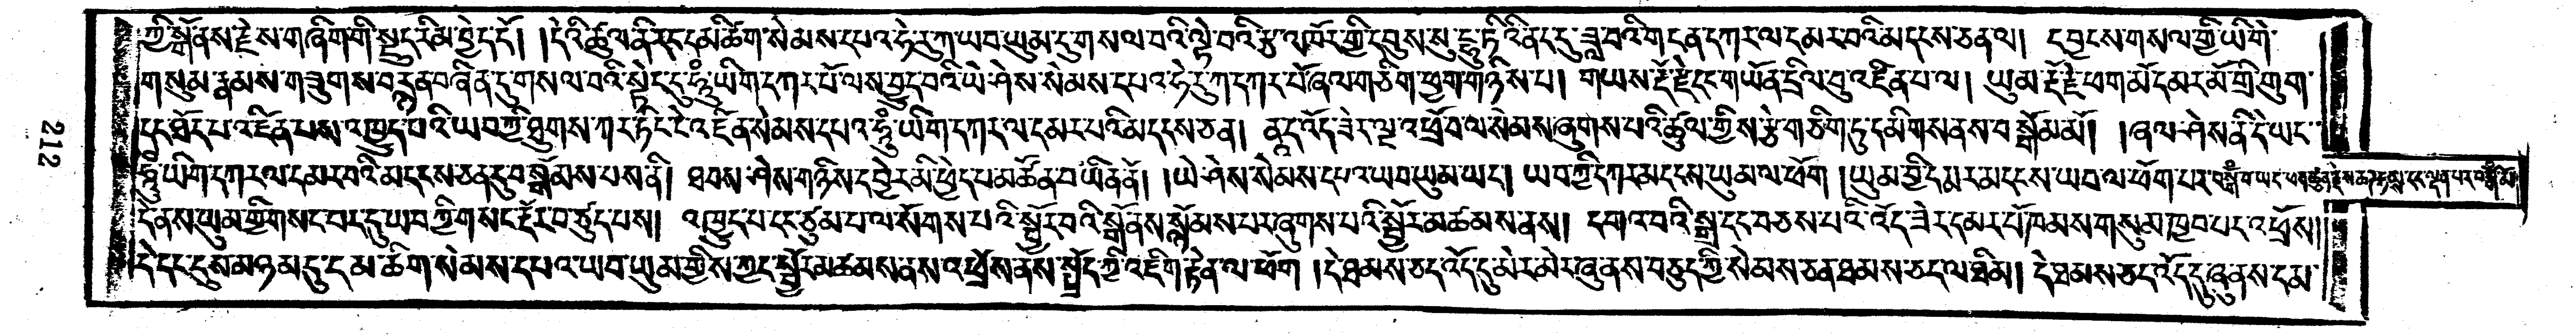ཀྱི་སྒོ་ནས་རྗེས་གཞིག་གི་སྡུད་རིམ་བྱེད་དོ། །དེའི་ཚུལ་ནི་རང་དམ་ཚིག་སེམས་དཔའ་ཧེ་རུ་ཀ་ཡབ་ཡུམ་དུ་གསལ་བའི་ལྟེ་བའི་རྩ་འཁོར་གྱི་དབུས་སུ་དྷུ་ཏིའི་ནད་དུ་ཟླ་བའི་གདན་དཀར་ལ་དམར་བའི་མདངས་ཅན་ལ། དབྱངས་གསལ་གྱི་ཡི་གེ་
གསུམ་རྣམས་གཟུགས་བརྙན་བཞིན་དུ་གསལ་བའི་སྟེང་དུ་ཧཱུཾ་ཡིག་དཀར་པོ་ལས་བྱུང་བའི་ཡེ་ཤེས་སེམས་དཔའ་ཧེ་རུ་ཀ་དཀར་པོ་ཞལ་གཅིག་ཕྱག་གཉིས་པ། གཡས་རྡོ་རྗེ་དང་གཡོན་དྲིལ་བུ་འཛིན་པ་ལ། ཡུམ་རྡོ་རྗེ་ཕག་མོ་དམར་མོ་གྲི་གུག་
དང་ཐོད་པ་འཛིན་པས་འཁྱུད་པའི་ཡབ་ཀྱི་ཐུགས་ཀར་ཏིང་ངེ་འཛིན་སེམས་དཔའ་ཧཱུཾ་ཡིག་དཀར་ལ་དམར་པའི་མདངས་ཅན། ནཱ་ད་འོད་ཟེར་ལྔ་འཕྲོ་བ་ལ་སེམས་ཞུགས་པའི་ཚུལ་གྱིས་རྩེ་གཅིག་ཏུ་དམིགས་ནས་བསྒོམ་མོ། །ཞལ་ཤེས་ནི་དེ་ཡང་
ཧཱུཾ་ཡིག་དཀར་ལ་དམར་བའི་མདངས་ཅན་དུ་བསྒོམས་པས་ནི། ཐབས་ཤེས་གཉིས་དབྱེར་མི་ཕྱེད་པ་མཚོན་བ་ཡིན་ནོ། །ཡེ་ཤེས་སེམས་དཔའ་ཡབ་ཡུམ་ཡང་། ཡབ་ཀྱི་དཀར་མདངས་ཡུམ་ལ་ཕོག །ཡུམ་བྱི་དམར་མདངས་ཡབ་ལ་ཕོག་པར་བསྒོཾ་བ་ཡང་ཕན་ཚུན་རྗེས་ཆཌ་ཏམས?་དང་ལྡན་པར་བསྒོཾ་མོ།
དེ་ནས་ཡུམ་གྱི་གསང་བར་དུ་ཡབ་ཀྱི་གསང་རྡོར་བ་ཙུད་པས། འཁྱུད་པ་དང་ཙུམ་པ་ལ་སོགས་པའི་སྦྱོར་བའི་སྒོ་ནས་སྙོམས་པར་ཞུགས་པའི་སྦྱོར་མཚམས་ནས། དགའ་བའི་སྒྲ་དང་བཅས་པའི་འོད་ཟེར་དམར་པོ་ཁམས་གསུམ་ཁྱབ་པར་འཕྲོས།
དེ་དང་དུས་མཉམ་དུ་དམ་ཆིག་སེམས་དཔའ་ཡབ་ཡུམ་གྱིས་ཀྱང་སྦྱོར་མཚམས་ནས་འཕྲོས་ནས་སྤྲོད་ཀྱི་འཇིག་རྟེན་ལ་ཕོག །དེ་ཐམས་ཅད་འོད་དུ་མེར་མེར་ཞུ་ནས་བཅུད་ཀྱི་སེམས་ཅན་ཐམས་ཅད་ལ་ཐིམ། དེ་ཐམས་ཅད་འོད་དུ་ཞུ་ནས་དམ་